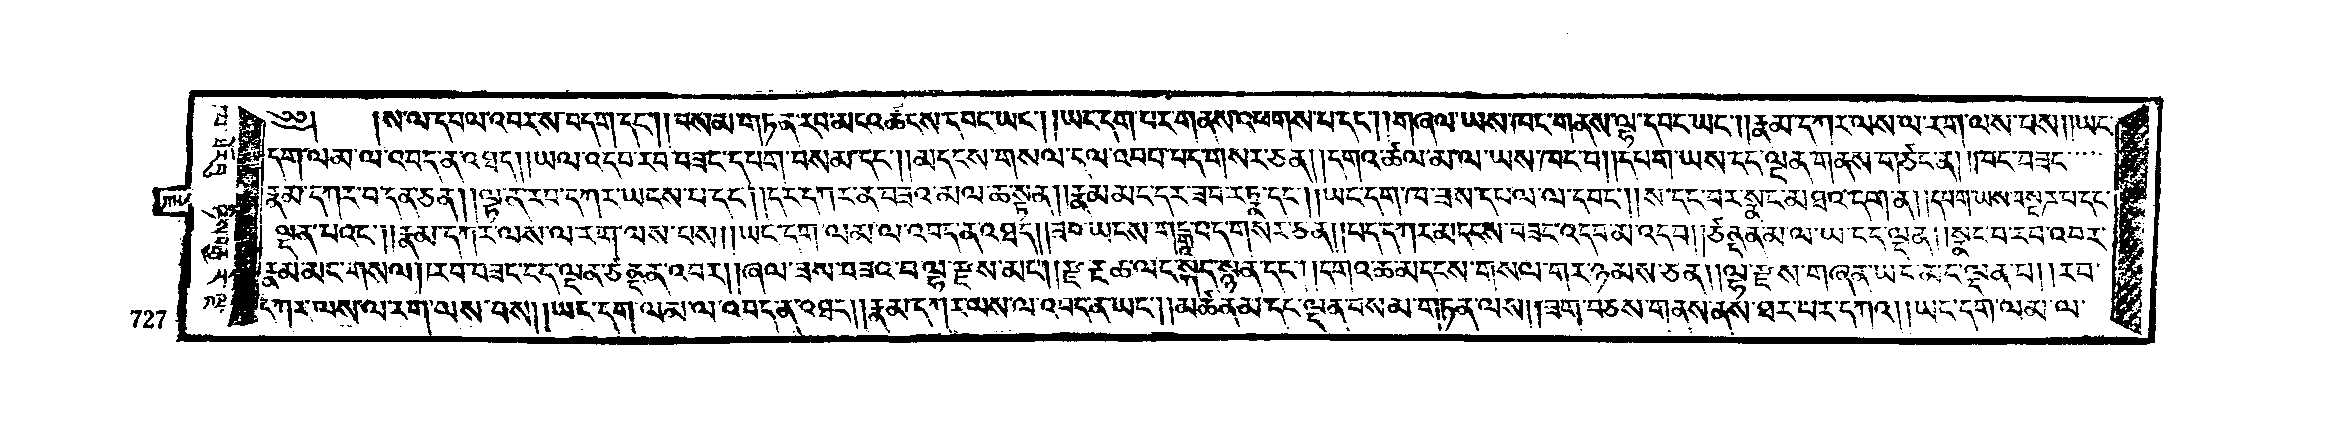༄༅། །ས་ལ་དཔལ་འབར་ས་བདག་དང་། །བསམ་གཏན་རབ་མངའ་འཚངས་དབང་ཡང་། །ཡང་དག་པར་གནས་འཕགས་པ་དང་། །གཞལ་ཡས་ཁང་གནས་ལྷ་དབང་ཡང་། །རྣམ་དཀར་ལས་ལ་རག་ལས་པས། །ཡང་
དག་ལམ་ལ་འབད་ན་འཐད། །ཡལ་འདབ་རབ་བཟང་དཔག་བསམ་དང་། །གདངས་གསལ་དལ་འབབ་པད་གསར་ཅན། །དགའ་ཚལ་མ་ལ་ཡས་ཁང་བ། །དཔག་ཡས་དད་ལྡན་གནས་གཙང་ན། །ཁང་བཟང་
རྣམ་དཀར་བ་དན་ཅན། །ལྟ་ན་རབ་དཀར་ཡངས་པ་དང་། །དར་དཀར་ན་བཟའ་མལ་ཆ་སྟན། །རྣམ་མང་དར་ཟབ་རཏྣ་དང་། །ཡང་དག་ཁ་ཟས་དཔལ་ལ་དབང་། །ས་དང་བར་སྣང་མཐའ་དག་ན། །དཔག་ཡས་བསྣགས་པ་དང་
ལྡན་པའང་། །རྣམ་དཀར་ལས་ལ་རག་ལས་པས། །ཡང་དག་ལམ་ལ་འབད་ན་འཐད། །ཟབ་ཡངས་གངྒཱ་པད་གསར་ཅན། །པད་དཀར་མདངས་བཟང་འདབ་མ་འདབ། །ཙནྡན་མ་ལ་ཡ་ངད་ལྡན། །སྣང་བ་རབ་འབར་
རྣམ་མང་གསལ། །རབ་བཟང་ངད་ལྡན་ཙནྡན་འབར། །ཞལ་ཟས་བཟའ་བ་ལྷ་རྫས་མང་། །རྫ་རྔ་ཆ་ལང་སྐད་སྙན་དང་། །དགའ་ཆ་མདངས་གསལ་གར་ཉམས་ཅན། །ལྷ་རྫས་གཞན་ཡང་མང་ལྡན་པ། །རབ་
དཀར་ལས་ལ་རག་ལས་པས། །ཡང་དག་ལམ་ལ་འབད་ན་འཐད། །རྣམ་དཀར་ལས་ལ་འབད་ན་ཡང་། །མཚན་མ་དང་ལྡན་བསམ་གཏན་ལས། །ཟག་བཅས་གནས་ནས་ཐར་བར་དཀའ། །ཡང་དག་ལམ་ལ་